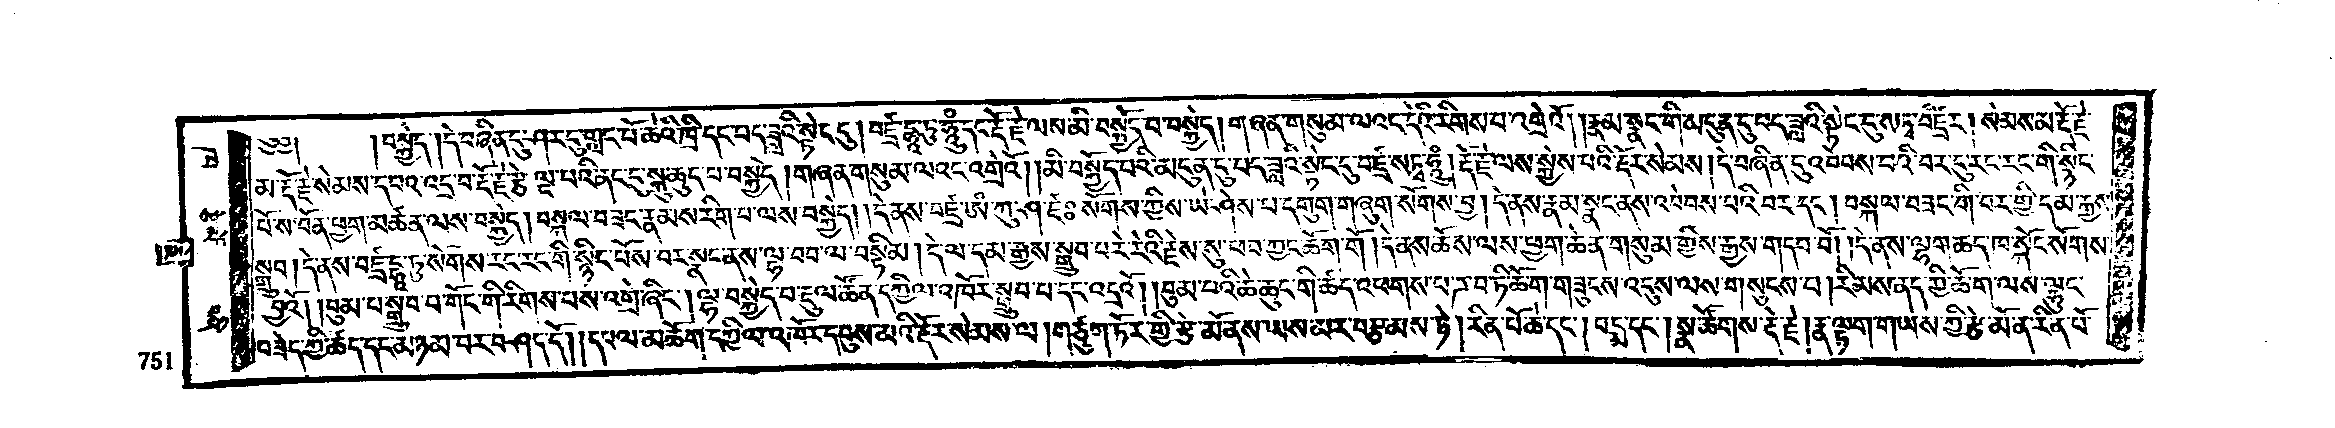༄༅། །བསྐྱེད་།དེ་བཞིན་དུ་ཤར་དུ་གླང་པོ་ཆེའི་ཁྲི་དང་པད་ཟླའི་སྟེང་དུ། བཛྲ་དྷཱ་ཏུ་ཧཱུཾ་དང་རྡོ་རྗེ་ལས་མི་བསྐྱོད་པ་བསྐྱེད། གཞན་གསུམ་ལའང་དེའི་རིགས་པ་འགྲེའོ། །རྣམ་སྣང་གི་མདུན་དུ་པད་ཟླའི་སྟེང་དུ་སཏྭ་བཛིར། སེམས་མ་རྡོ་རྗེ་
མ་རྡོ་རྗེ་སེམས་དཔའ་འདྲ་བ་རྡོ་རྗེ་རྩེ་ལྔ་པའི་ནང་དུ་སྐུ་ཚུད་?་པ་བསྐྱེད། གཞན་གསུམ་ལའང་འགྲེའོ། །མི་བསྐྱོད་པའི་མདུན་དུ་པད་ཟླའི་སྟེང་དུ་བཛྲ་སྟྭ་ཧཱུཾ། རྡོ་རྗེ་ལས་སྐྱེས་པའི་རྡོར་སེམས། དེ་བཞིན་དུ་འབེབས་པའི་བར་དུ་རང་རང་གི་སྙིང་
པོ་ས་བོན་ཕྱག་མཚན་ལས་བསྐྱེད། བསྐལ་བཟང་རྣམས་རིག་པ་ལས་བསྐྱེད། །དེ་ནས་བཛྲ་ཨཾ་ཀུ་ཤ་ཛཿ སོགས་ཀྱིས་ཡེ་ཤེས་པ་དགུག་གཞུག་སོགས་བྱ། དེ་ནས་རྣམ་སྣང་ནས་འབེབས་པའི་བར་དང་། བསྐལ་བཟང་གི་བར་གྱི་དམ་རྒྱས་
སྒྲུབ་།དེ་ནས་བཛྲ་དྷཱ་ཏུ་སོགས་རང་རང་གི་སྙིང་པོས་བར་སྣང་ནས་ལྷ་བབ་ལ་བསྟིམ། དེ་ལ་དམ་རྒྱས་སྒྲུབ་པ་རེ་རེའི་རྗེས་སུ་ཕབ་ཀྱང་ཆོག་གོ །དེ་ནས་ཆོས་ལས་ཕྱག་ཆེན་གསུམ་གྱིས་རྒྱས་གདབ་བོ། །དེ་ནས་ལྷག་ཆད་ཁ་སྐོང་སོགས་
བྱའོ། །བུམ་པ་སྒྲུབ་པ་གོང་གི་རིགས་པས་འགྲེ་ཞིང་། ལྷ་བསྐྱེད་པ་རྡུལ་ཚོན་དཀྱིལ་འཁོར་སྒྲུབ་པ་དང་འདྲའོ། །བུམ་པའི་ཆེ་ཆུང་གི་ཚད་འཕགས་པ་ཌ་བ་ཏི་ཆོ་ག་གཟུངས་འདུས་ལས་གསུངས་པ། རིམས་ནད་ཀྱི་ཆོ་ག་ལས་ལྷུང་
བཟེད་ཀྱི་ཚད་དང་མཉམ་པར་བཤད་དོ། །དཔལ་མཆོག་དཀྱིལ་འཁོར་དབུས་མའི་རྡོར་སེམས་ལ། གཙུག་ཏོར་གྱི་རྩེ་མོ་ནས་ཡས་མར་བརྩམས་ཏེ། རིན་པོ་ཆེ་དང་། པདམ་དང་། སྣ་ཚོགས་རྡོ་རྗེ། རྣ་ལྟག་གཡས་ཀྱི་རྩེ་མོ་ན་རིན་པོ་